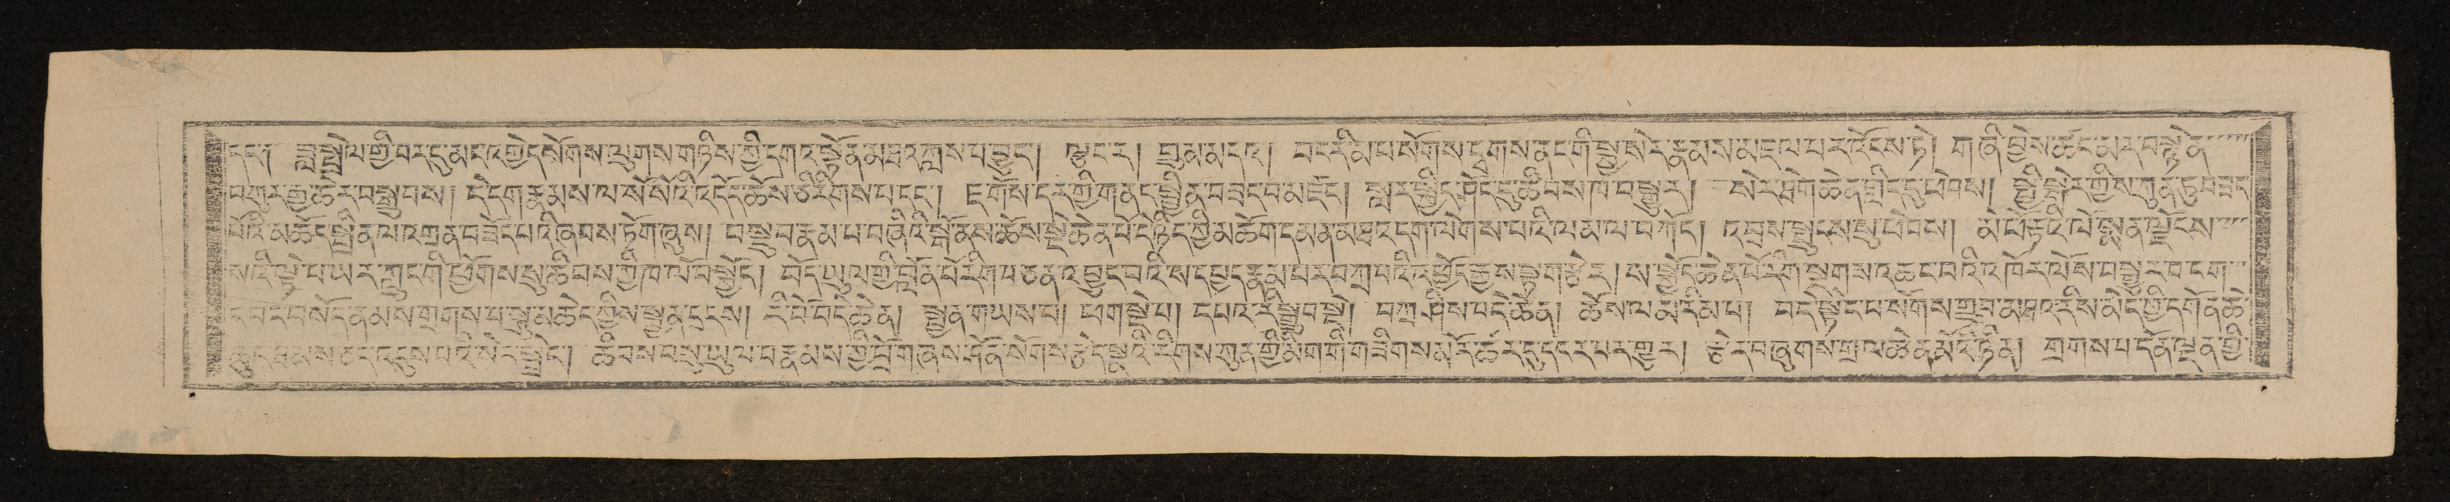དང༑ ཟླ་སྦྲེལ་གྱི་བར་དུ་མང་འགྱེད་སོགས་ལུགས་གཉིས་ཀྱི་དགའ་སྟོན་མཐའ་ཀླས་པ་བྱུང་། ལྕང་ར། གྲུམ་མདའ། བང་རིམ་པ་སོགས་དྭགས་ནང་གི་སྐྱ་སེར་རྣམས་མཇལ་བར་འོངས་ཏེ། གཞི་བྱེས་ཚད་མར་བསྙེན་
བཀུར་རྒྱ་ཆེར་བསྒྲུབས། དེ་དག་རྣམས་ལ་སོ་སོའི་འདོད་ཆོས་ཅི་རིགས་པ་དང་། ཇ་གོས་དར་གྱི་གནང་སྦྱིན་བཟང་བ་མཛད། སླར་སྐྱིད་ཤོད་དུ་ཆིབས་ཁ་བསྒྱུར། སེར་ཐེག་ཆེན་གླིང་དུ་ཕེབས། སྤྱི་སྒེར་གྱིས་ཀུན་ཏུ་བཟང་
པོའི་མཆོད་སྤྲིན་ལ་འགྲན་བཟོད་པའི་ཞབས་ཏོག་ཞུས། བསྡུ་བ་རྣམ་པ་བཞིའི་སྒོ་ནས་ཆོས་སྡེ་ཆེན་པོ་དེ་ཉིད་ཀྱི་མཆོག་དམན་མཐའ་དག་ལེགས་པའི་ལམ་ལ་བཀོད། འབྲས་སྤུངས་སུ་ཕེབས། མེ་ཕོ་རྟའི་ལོ་སྨན་ལྗོངས་
སའི་ལྟེ་བ་ཡར་ཀླུང་གི་ཕྱོགས་སུ་ཆིབས་ཀྱི་ཁ་ལོ་བསྐྱོད། བོད་ཡུལ་གྱི་བློན་པོ་རིག་པ་ཅན་འབྱུང་བའི་ས་དཔྱད་རྣམ་པར་བཀྲ་བའི་འཕྱོད་རྒྱས་སྟག་རྩེར། ས་སྐྱོང་ཆེན་པོ་རིག་སྔགས་འཆང་བའི་འཁོར་ལོས་བསྒྱུར་བ་ངག་
དབང་བསོད་ནམས་གྲགས་པ་སྐུ་མཆེད་ཀྱིས་སྤྱན་དྲངས། རི་བོ་བདེ་ཆེན། སྤྱན་གཡས་པ། ཕག་སྡེ་བ། དཔལ་རི་སྒྲུབ་སྡེ། བཀྲ་ཤིས་བདེ་ཆེན། ཆོས་ལམ་རིམ་པ། བདེ་སྟེད་པ་སོགས་གྲུབ་མཐའ་རིས་མེད་ཀྱི་དགོན་ཆེ་
ཆུང་ཐམས་ཅད་འདུས་པའི་སེར་སྦྲེང་། ཆིབས་བསུ་ཡུལ་བ་རྣམས་ཀྱི་བྲོ་གཞས་ཤོན་སོགས་རྩེད་སྣའི་རིགས་ཀུན་གྱི་མིག་གི་གཟིགས་མོར་ཆེར་དུ་དངར་བར་གྱུར། རྩེར་བཞུགས་གྲལ་ཆེན་མོའི་ཉིན། གྲགས་པ་དོན་ལྡན་གྱི་